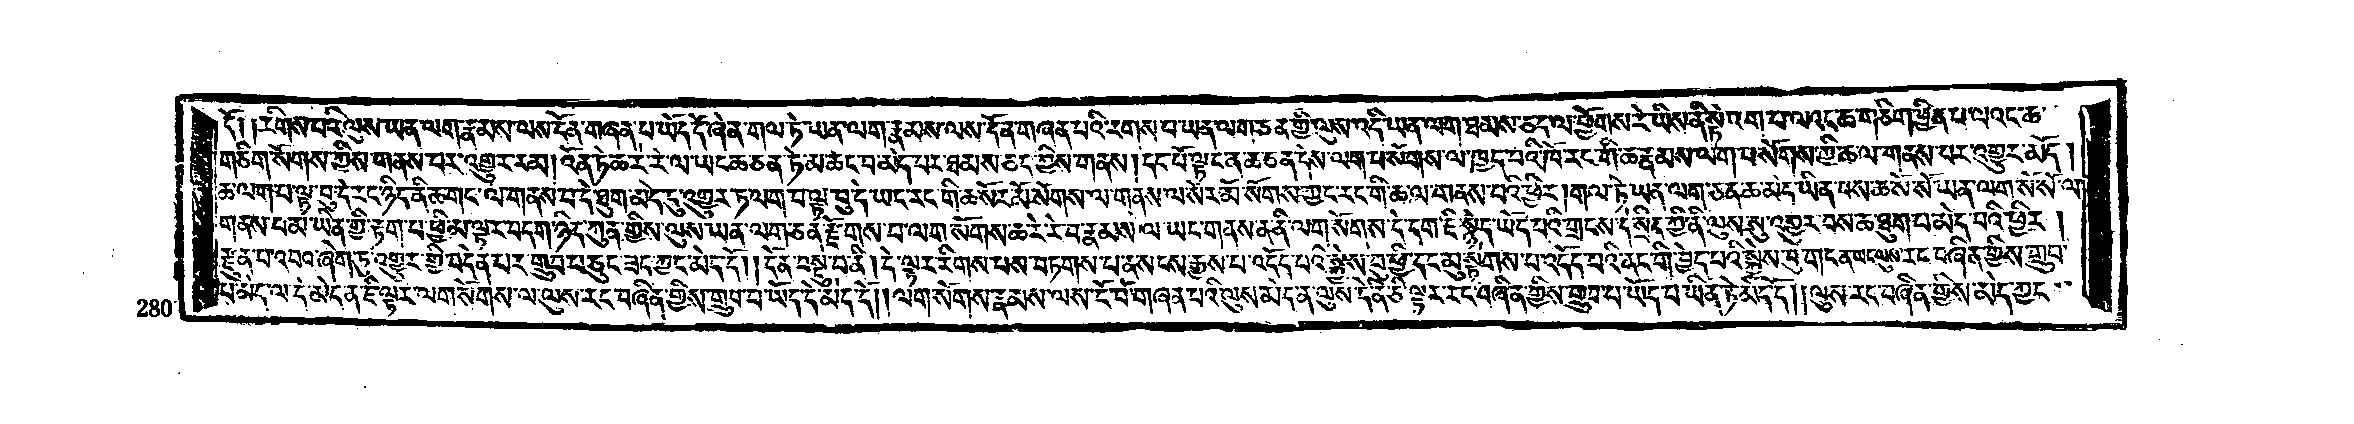དོ༑ ༑རིགས་པའི་ལུས་ཡན་ལག་རྣམས་ལས་དོན་གཞན་པ་ཡོད་དོ་ཞེ་ན་གལ་ཏེ་ཡན་ལག་རྣམས་ལས་དོན་གཞན་པའི་རགས་པ་ཡན་ལག་ཅན་གྱི་ལུས་འདི་ཡན་ལག་ཐམས་ཅད་ལ་ཕྱོགས་རེ་ཡིས་ནི་སྟེ་འགྲོ?་བ་ལའང་ཆ་གཅིག་ཕྱིན་པ་ལའང་ཆ་
གཅིག་སོགས་ཀྱིས་གནས་པར་འགྱུར་རམ། འོན་ཏེ་ཆ་རེ་རེ་ལ་ཡང་ཆ་ཅན་ཏེ་མཚང་བ་མེད་པར་ཐམས་ཅད་ཀྱིས་གནས། དང་པོ་ལྟར་ན་ཆ་ཅན་དེས་ལག་པ་སོགས་ལ་ཁྱད་པའི་ཁོ་རང་གི་ཆ་རྣམས་ལག་པ་སོགས་ཀྱི་ཆ་ལ་གནས་པར་འགྱུར་མོད།
ཆ་གལ་པ་ལྟ་བུ་དེ་རང་ཉིད་ནི་ཆ་གང་ལ་གནས་པ་དེ་ཐུག་མེད་དུ་འགྱུར་ཏ་ལག་པ་ལྟ་བུ་དེ་ཡང་རང་གི་ཆ་སོར་མོ་སོགས་ལ་གནས་ལ་སོར་མོ་སོགས་ཀྱང་རང་གི་ཆ་ལ་གནས་པའི་ཕྱིར། གལ་ཏེ་ཡན་ལག་ཅན་ཆ་མེད་ཡིན་པས་ཆ་སོ་སོ་ཡན་ལག་སོ་སོ་ལ་
གནས་པ་མ་ཡིན་གྱི་རྟག་པ་ཕྱི་མ་ལྟར་བདག་ཉིད་ཀུན་གྱིས་ལུས་ཡན་ལག་ཅན་རྫོགས་པ་ལག་སོགས་ཆ་རེ་རེ་བ་རྣམས་ལ་ཡང་གནས་ན་ནི་ལག་སོགས་དེ་དག་ཇི་སྙེད་ཡོད་པའི་གྲངས་དེ་སྲིད་ཀྱི་ནི་ལུས་སུ་འགྱུར་བས་ཆ་ཐུག་པ་མེད་པའི་ཕྱིར།
རྫུན་པ་འབའ་ཞིག་ཏུ་འགྱུར་གྱི་བདེན་པར་གྲུབ་པ་ཅུང་ཟད་ཀྱང་མེད་དོ། །དོན་བསྡུ་བ་ནི། དེ་ལྟར་རིགས་པས་བཏགས་པ་ན་སངས་རྒྱས་པ་འདོད་པའི་སྐྱེས་བུ་ཕྱི་དང་མུ་སྟེགས་པ་འདོད་པའི་ནང་གི་བྱེད་པའི་སྐྱེས་བུ་གང་ན་ཡང་ལུས་རང་བཞིན་གྱིས་གྲུབ་
པ་མེད་ལ་དེ་མེད་ན་ཇི་ལྟར་ལག་སོགས་ལ་ལུས་རང་བཞིན་གྱིས་གྲུབ་པ་ཡོད་དེ་མེད་དོ། །ལག་སོགས་རྣམས་ལས་ངོ་བོ་གཞན་པའི་ལུས་མེད་ན་ལུས་དེ་ནི་ཅི་ལྟར་རང་བཞིན་གྱིས་གྲུབ་པ་ཡོད་པ་ཡིན་ཏེ་མེད་དོ། །ལུས་རང་བཞིན་གྱིས་མེད་ཀྱང་